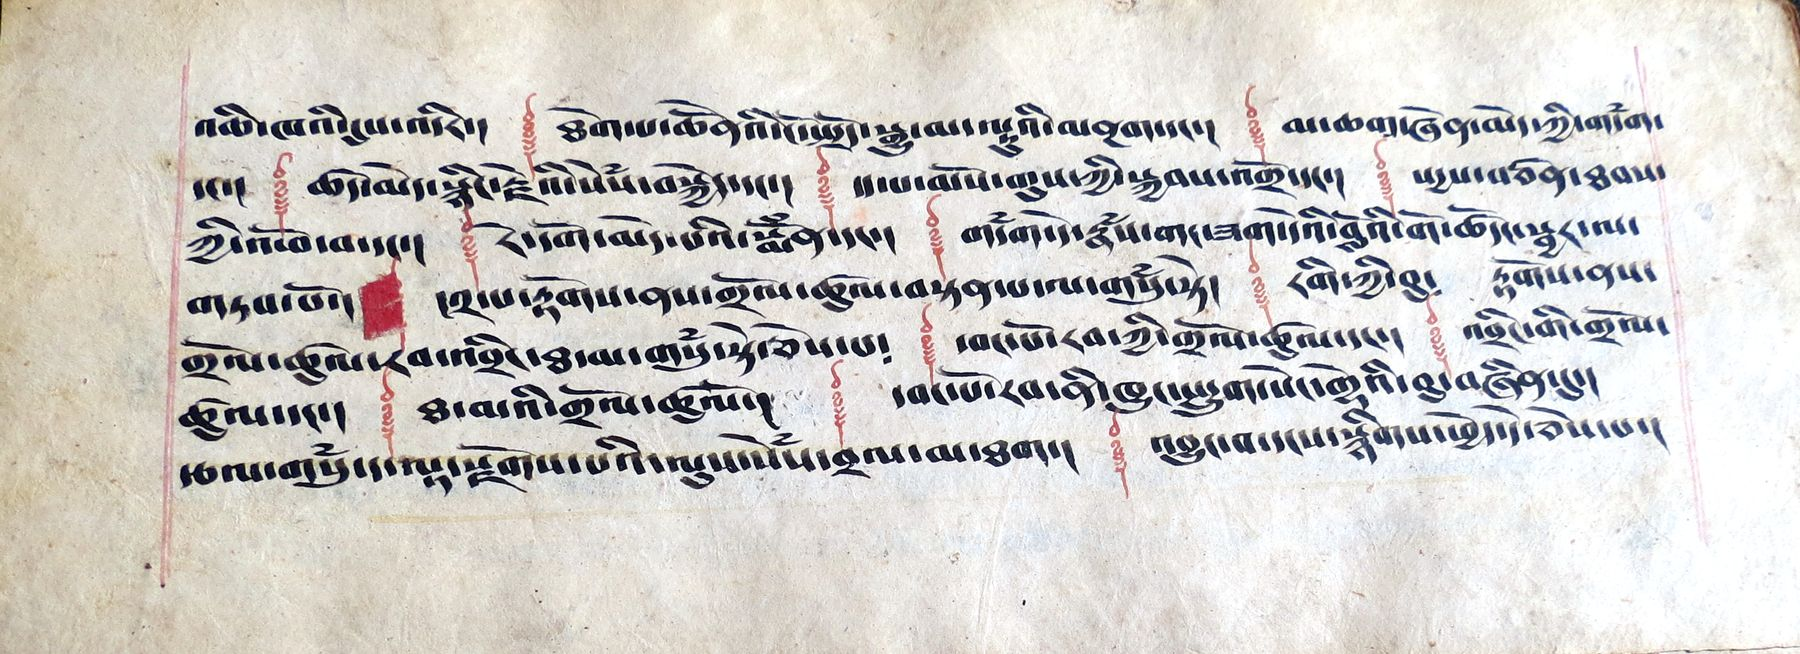ན་འཆི་ཁའི་དུས་འདིར། ཐེག་པ་ཆེན་པོའི་ངོ་སྤྲོད་སྒྱུ་མ་ལྟ་བུའི་མན་ངག་དང་། མ་ཆགས་ཞེན་མེད་ཀྱི་གདམས་
ངག་དང་ཚད་མེད་སྙིང་རྗེའི་སེམས་བསྐྱེད་དང་། དད་པ་མོས་གུས་ཀྱི་སྐྱབས་འགྲོ་དང་། སངས་རྒྱས་བཙན་ཐབས་
ཀྱི་འཕོ་བ་དང་། རེ་དོགས་མེད་པའི་སྨོན་ལམ་དང་། གདམས་ངག་དེ་རྣམས་གང་ཟག་དེའི་བློའི་གོ་ཚོད་དང་སྦྱར་ལ་
གདབ་བོ། །ཙ༽ གཉིས་པ། རྟོགས་ནས་གྲོལ་ཚུལ་བསྟན་པ་ལ་གསུམ་སྟེ། རིགས་ཀྱི་བུ་རྟོགས་ནས་
གྲོལ་ཚུལ་རབ་འབྲིང་ཐ་མ་གསུམ་ཡིན་ཏེ། ཞེས་པས། དབང་པོ་རབ་ཀྱི་གྲོལ་ཚུལ་དང་། འབྲིང་གི་གྲོལ་
ཚུལ་དང་། ཐ་མའི་གྲོལ་ཚུལ་ལོ། །དབང་པོ་རབ་ནི་ཁྱུང་ཕྲུག་སེང་གེའི་བུ་བཞིན་དུ། 
རྩལ་གསུམ་ད་ལྟ་རྫོགས་པས་ལུས་སེམས་བྲལ་མ་ཐག འབྱུང་བ་དྭངས་སྙིགས་ཕྱེད་དེ། །ཅེས་པས།